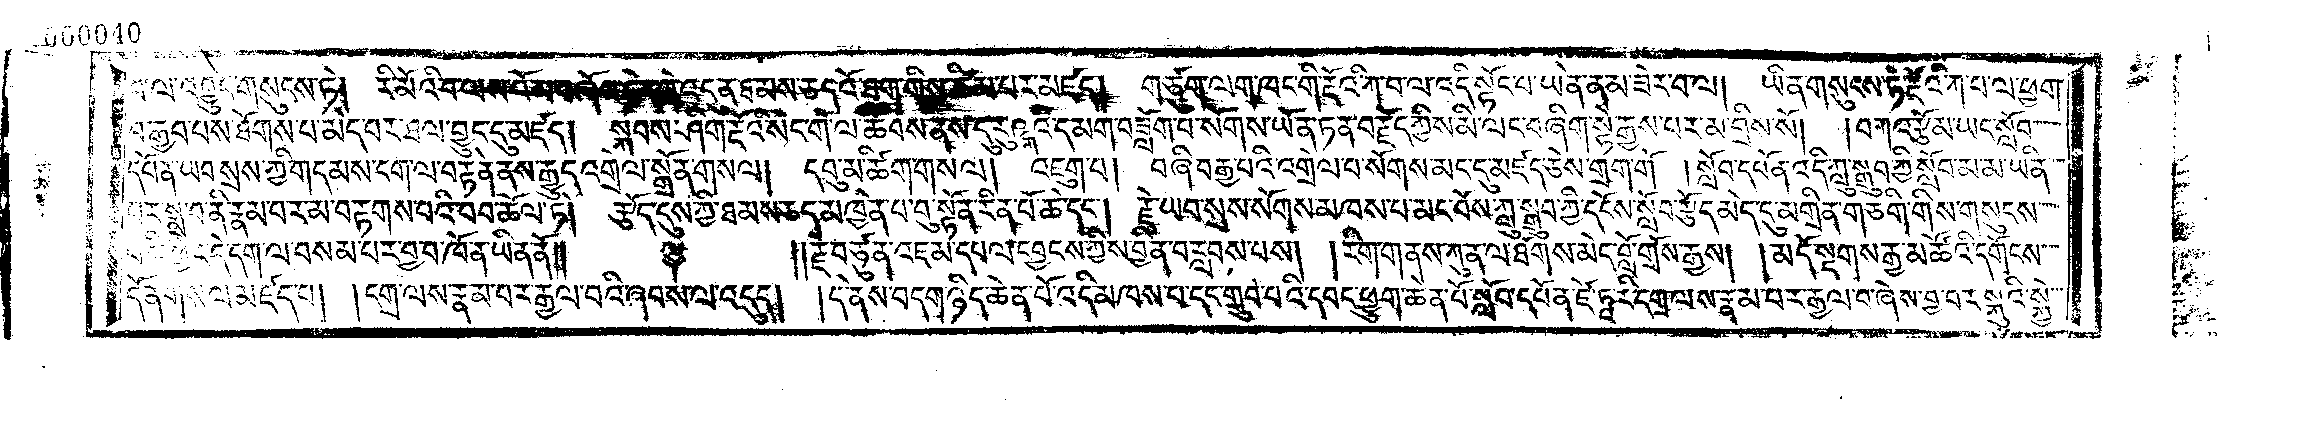བ་ལ་འབྱུང་གསུངས་ཏེ། རི་མོའི་བ་ལས་འོ་མ་བཞོས་ཏེ་དགེ་འདུན་ཐམས་ཅད་འོ་ཐུག་གིས་ཚིམ་པར་མཛད། གཙུག་ལག་ཁང་གི་རྡོའི་ཀ་བ་ལ་འདི་སྟོང་པ་ཡིན་ནམ་ཟེར་བ་ལ། ཡིན་གསུངས་ཏེ་རྔོའི་ཀ་པ་ལ་ཕྱག་
བརྒྱབ་པས་ཐོགས་པ་མེད་པར་ཐལ་བྱུང་དུ་མཛད། སྐབས་ཤིག་རྡོའི་སེང་གེ་ལ་ཆིབས་ནས་དུ་རུཥྐའི་དམག་བཟློག་པ་སོགས་ཡོན་ཏན་བརྗོད་ཀྱིས་མི་ལང་བ་ཞིག་སྟེ་རྒྱས་པར་མ་བྲིས་སོ། །བཀའ་རྩོམ་ཡང་སློབ་
དཔོན་ཡབ་སྲས་ཀྱི་གདམས་ངག་ལ་བརྟེན་ནས་རྒྱུད་འགྲེལ་སྒྲོན་གསལ། དབུ་མ་ཚིག་གསལ། འཇུག་པ། བཞི་བརྒྱ་པའི་འགྲེལ་པ་སོགས་མང་དུ་མཛད་ཅེས་གྲག་གོ །སློབ་དཔོན་འདི་ཀླུ་སྒྲུབ་ཀྱི་སློབ་མ་མ་ཡིན་
པར་སྨྲ་བ་ནི་རྣམ་པར་མ་བརྟགས་པའི་བབ་ཆོལ་ཏེ། རྩོད་དུས་ཀྱི་ཐམས་ཅད་མཁྱེན་པ་བུ་སྟོན་རིན་པོ་ཆེ་དང་། རྗེ་ཡབ་སྲས་སོགས་མཁས་པ་མང་པོས་ཀླུ་སྒྲུབ་ཀྱི་དངོས་སློབ་རྩོད་མེད་དུ་མགྲིན་གཅིག་གིས་གསུངས་
པའི་ཕྱིར་དེ་དག་ལ་བསམ་པར་བྱ་བ་ཁོ་ན་ཡིན་ནོ།། ༈ །།རྗེ་བཙུན་འཇམ་དཔལ་དབྱངས་ཀྱིས་བྱིན་བརླབས་པས། །རིག་གནས་ཀུན་ལ་ཐོགས་མེད་བློ་གྲོས་རྒྱས། །མདོ་སྔགས་རྒྱ་མཚོའི་དགོངས་
དོན་གསལ་མཛད་པ། །དགྲ་ལས་རྣམ་པར་རྒྱལ་བའི་ཞབས་ལ་འདུད། །དེ་ནས་བདག་ཉིད་ཆེན་པོ་འདི་མཁས་པ་དང་གྲུབ་པའི་དབང་ཕྱུག་ཆེན་པོ་སློབ་དཔོན་ཛེ་ཏཱ་རི་དགྲ་ལས་རྣམ་པར་རྒྱལ་བ་ཞེས་བྱ་བར་སྐུའི་སྐྱེ་